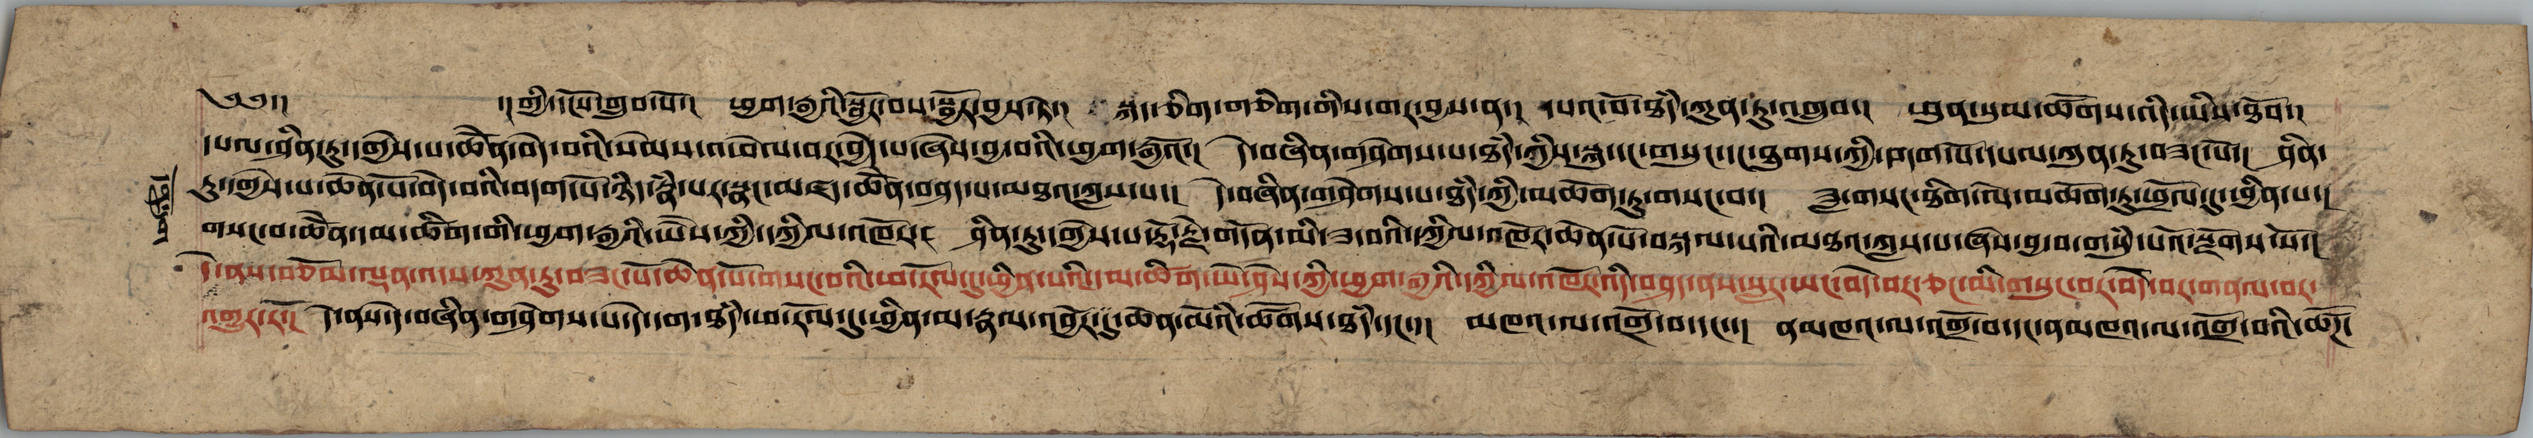༄༅་། ་།གྱི་དངོས་གྲུབ་པོ་། ཕྱག་རྒྱའི་སྦྱོར་བས་སྦྱོར་བྱས་ཏེ་། སྐད་ཅིག་གཅིག་གིས་གར་བྱས་ན་། དཔའ་བོ་ཐཾད་ཀུན་ཏུ་འགྲུབ་། ཕུན་སུམ་ཚོགས་འདི་ཡིས་ཐོབ་།
དཔལ་ཤིན་ཏུ་དགྱེས་པ་ཆེོན་བདེ་བའི་སེམས་འཕེལ་བར་བྱེད་པ་ཞེས་བྱ་བའི་ཕྱག་རྒྱའོ་། དེ་བཞིན་གཤེགས་པ་ཐཾད་ཀྱིས་སྐུ་དང་གསུང་དང་ཐུགས་ཀྱི་བདག་པོ་དཔལ་ཀུན་ཏུ་བཟང་པོ་། ཤིན་
ཏུ་དགྱེས་པ་ཆེན་པོ་བདེ་བའི་བདག་པོ་ཉིད་རྣཾ་པར་སྣང་མཛད་ཆོཻན་བཤད་པ་མཐའ་ཀླས་པ་། དེ་བཞིན་གཤེགས་པ་ཐཾད་ཀྱི་མཆོག་ཏུ་གསང་བ་། ཟླ་གསང་ཐིག་ལེ་མཆོག་ཏུ་ཕྲོལ་དུ་ཕྱིན་པ་།
གསང་བ་ཆེནོ་དམ་ཚིག་གི་ཕྱག་རྒྱའི་ཡཻས་ཀྱི་དཀྱིལ་འཁོར་། ཤིན་ཏུ་དགྱེས་པ་རྡོ་རྗེ་གདོན་མི་ཟ་བའི་དཀྱིལ་འཁོར་ཆེན་པོ་བསྐལ་པའི་མཐའ་ཀླས་པ་ཞེས་བྱ་བ་གསུཾ་པའོ་སྫོགས་སོ་།
དེ་ནས་བཅོམ་ལྡན་འདས་ཀུན་ཏུ་བཟང་པོ་ཆེན་པོ་གསང་བའི་ཕ་རོལ་དུ་ཕྱིན་པའི་དམ་ཚིག་ཡེ་ཤེས་ཀྱི་ཕྱག་རྒྱའི་དཀྱིལ་འཁོར་འདི་བཤད་ནས་སླར་ཡང་བདེ་བར་ཅང་མི་གསུང་བར་བདེ་བར་གནལ་བར་
འགྱུར་རོ་། དེ་ནས་དེ་བཞིན་གཤེགས་པ་དེ་དག་ཐཾད་ཕ་རོལ་དུ་ཕྱིན་མ་རྣལ་འབྱོར་དུ་ཆེན་མོའི་ཚོགས་ཐཾད་དང་་། མཁའ་ལ་འགྲོ་བ་དང་་། ནམཁའ་ལ་འགྲོ་བ་དང་ནམཁའ་ལ་འགྲོ་བའི་ཚོཌ་